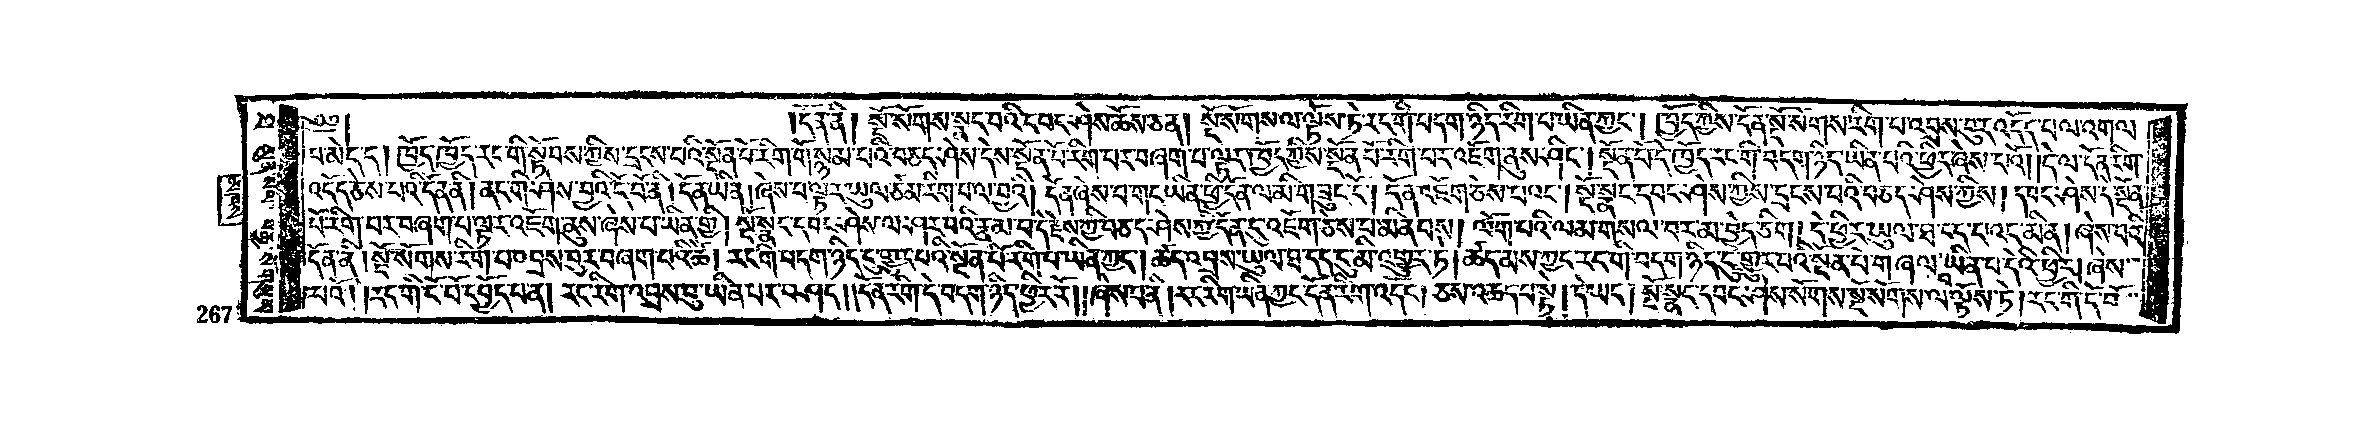༄༅། །དོན་ནི། སྔོ་སོགས་སྣང་བའི་དབང་ཤེས་ཆོས་ཅན། སྔོ་སོགས་ལ་ལྟོས་ཏེ་རང་གི་བདག་ཉིད་རིག་པ་ཡིན་ཀྱང་། ཁྱོད་ཀྱིས་དོན་སྔོ་སོགས་རིག་པ་འབྲས་བུར་འདོད་པ་ལ་འགལ་
བ་མེད་དེ། ཁྱོད་ཁྱོད་རང་གི་སྟོབས་ཀྱིས་དྲངས་པའི་སྔོན་པོ་རིག་གོ་སྙམ་པའི་བཅད་ཤེས་དེས་སྔོན་པོ་རིག་པར་བཞག་པ་ལྟར་ཁྱོད་ཀྱིས་སྔོན་པོ་རིག་པར་འཇོག་ནུས་ཤིང་། སྔོན་པོ་དེ་ཁྱོད་རང་གི་བདག་ཉིད་ཡིན་པའི་ཕྱིར་ཞེས་པའོ། །དེ་ལ་དོན་རིག་
འདོད་ཅེས་པའི་དོན་ནི། ནང་གི་ཤེས་བྱའི་ངོ་བོ་ནི། དོན་ཡིན། ཞེས་པ་ལྟར་ཡུལ་ཙམ་རིག་པ་ལ་བྱའི། དོན་ཞེས་པ་གང་ཡིན་ཕྱི་དོན་ལ་མི་གཟུང་ངོ། དོན་འཇོག་ཅེས་པའང་། སྔོ་སྣང་དབང་ཤེས་ཀྱིས་དྲངས་པའི་བཅད་ཤེས་ཀྱིས། དབང་ཤེས་དེ་སྔོན་
པོ་རིག་པར་བཞག་པ་ལྟར་འཇོག་ནུས་ཞེས་པ་ཡིན་གྱི། སྔོ་སྣང་དབང་ཤེས་ལ་ཤར་བའི་རྣམ་པ་དེ་རྗེས་ཀྱི་བཅད་ཤེས་ཀྱི་དོན་དུ་འཇོག་ཅེས་པ་མིན་པས། ལོག་པའི་ལམ་གསལ་བར་མ་བྱེད་ཅིག །དེ་ཕྱིར་ཡུལ་ཐ་དད་པའང་མིན། ཞེས་པའི་
དོན་ནི། སྔོ་སོགས་རིག་པ་འབྲས་བུར་བཞག་པའི་ཚེ། རང་གི་བདག་ཉིད་དུ་གྱུར་པའི་སྔོན་པོ་རིག་པ་ཡིན་ཀྱང་། ཚད་འབྲས་ཡུལ་ཐ་དད་དུ་མི་འགྱུར་ཏེ། ཚད་མས་ཀྱང་རང་གི་བདག་ཉིད་དུ་གྱུར་པའི་སྔོན་པོ་གཞལ་བ་ཡིན་པ་དེའི་ཕྱིར། ཞེས་
པའོ། །རང་གི་ངོ་བོ་དཔྱོད་པ་ན། རང་རིག་འབྲས་བུ་ཡིན་པར་བཤད། །དོན་རིག་དེ་བདག་ཉིད་ཕྱིར་རོ། །ཞེས་པ་ནི། རང་རིག་ཡིན་ཀྱང་དོན་རིག་འདོད། ཅེས་འཆད་པ་སྟེ། དེ་ཡང་། སྔོ་སྣང་དབང་ཤེས་སོགས་སྔོ་སོགས་ལ་ལྟོས་ཏེ། རང་གི་ངོ་བོས་